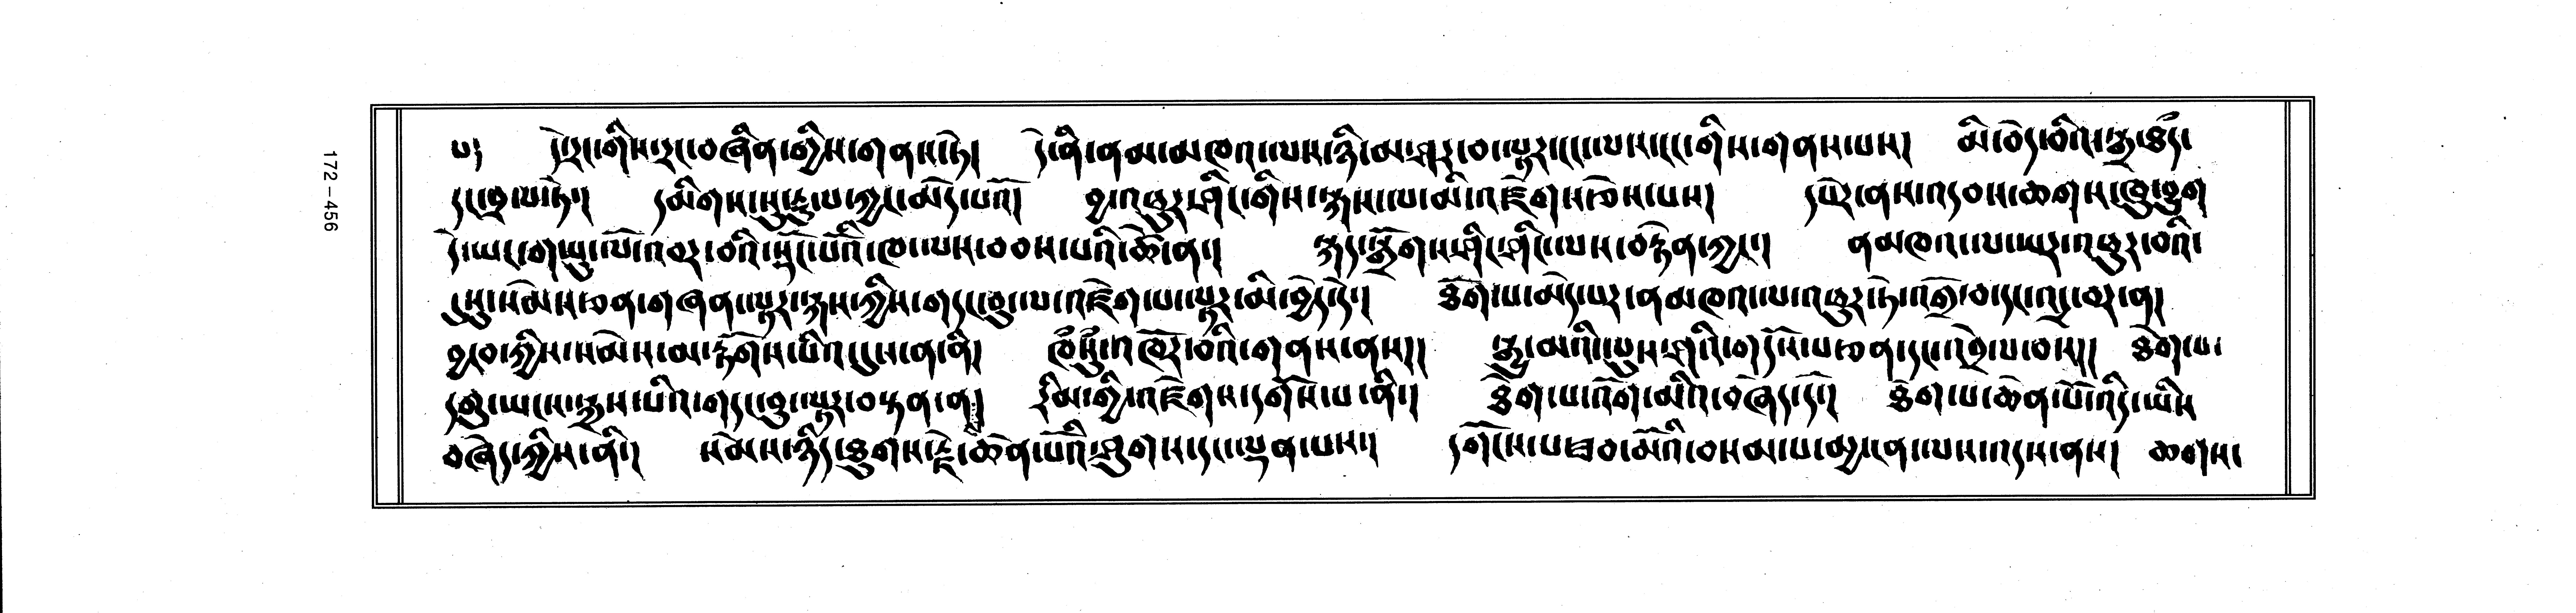པ། དེ་རང་གིས་རང་བཞིན་གྱིས་གནས་ཏེ། དེ་ནི་ནམ་མཁའ་ལས་ཉི་མ་ཤར་བ་ལྟར་ངང་ལས་ངང་གིས་གནས་པས། མི་བདེ་བའི་སྒྲ་ཐམས་ཅད་
དང་བྲལ་ཏེ། དམིགས་སུ་རྡུལ་ཀྱང་མེད་པའོ། བྱ་འཕུར་ཤིང་གིས་སྐས་ལ་མི་འཛེགས་ཅེས་པས། དཔེར་ནས་འདབས་ཆགས་ཁུ་བྱུག་
དེ་ཡང་གཡུ་ལོ་འབར་བའི་སྡོང་པོའི་ཁ་ལས་བབས་པའི་ཚེ་ན། སྐད་སྒྲོགས་ཤིང་ཤིང་ལས་བརྟེན་ཀྱང་། ནམ་མཁའ་ལ་ཡར་འཕུར་བའི་
དུས་སུ་སེམས་ཅན་གཞན་ལྟར་སྐས་ཀྱིས་གདང་བུ་ལ་འཛེག་པ་ལྟར་མི་བྱེད་དེ། ཐོག་པ་མེད་པར་ནམ་མཁའ་ལ་འཕུར་ཏེ་འགྲོ་བ་དང་འདྲ་བར་ན། 
བྱང་ཆུབ་ཀྱིས་སེམས་ཅན་མ་རྟོགས་པའི་དུས་ན་ནི། ཁམས་གསུམ་འཁོར་བའི་གནས་ནས། སྒྱུ་མའི་ལུས་ཤའི་གདོས་པ་ཅན་དང་འབྲེལ་བས། ཐེག་པ་
དགུ་ཡང་སྐྲས་པའི་གདང་བུ་ལྟར་བསྟན་ནས། རིམ་གྱི་འཛེགས་དགོས་པ་ནི། ཐེག་པ་འོག་མའི་བཞེད་དོ། ཐེག་པ་ཆེན་པོ་འདི་ཡིས་
བཞེད་ཀྱིས་ནི། སེམས་ཉིད་ཐུགས་རྗེ་ཆེན་པོའི་ཤུགས་དང་ལྡན་པས། དགོངས་པ་ཟབ་མོའི་བསམ་པ་མྱ་ངན་ལས་འདས་ནས་ཆགས་